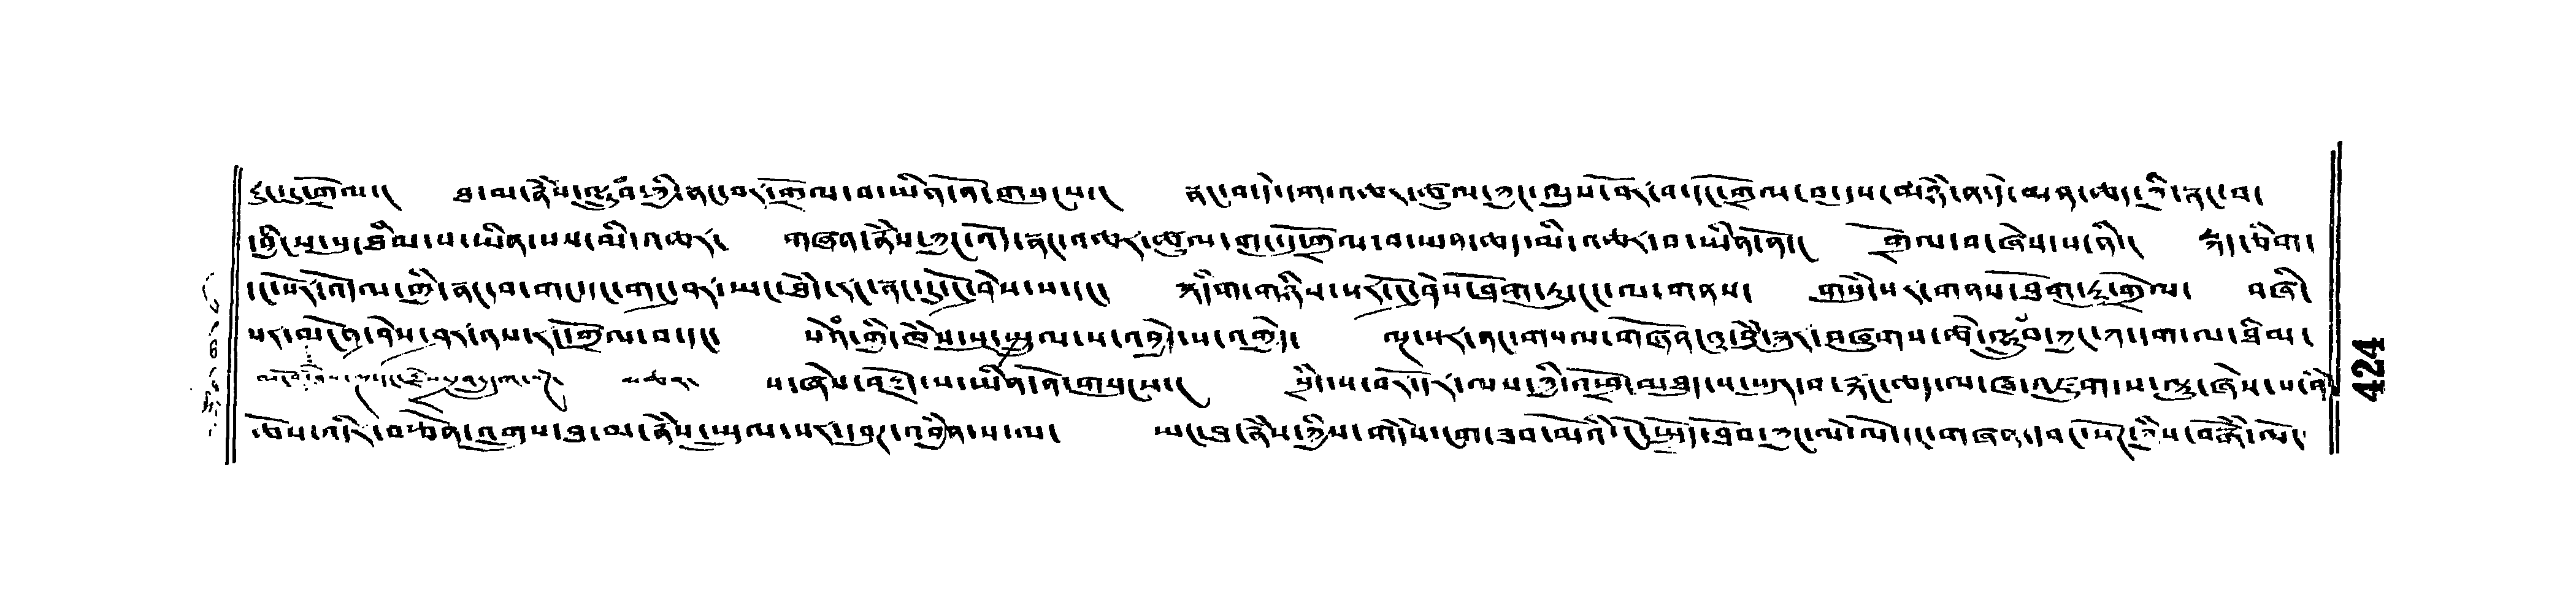རུང་དུ་གྲོལ་ཐ་མ་རྣམས་ལྷུན་གྲུབ་ཀྱི་སྣང་བར་གྲོལ་བ་ཡིན་ནོ་གསུངས། སྣང་བ་དེ་དག་འཆར་ཚུལ་ཀྱང་ལུས་བོར་བ་དང་གྲོལ་བ་དུས་མཉམ་ན་དེ་མན་ཆད་ཀྱི་སྣང་བ་
དབྱིངས་སུ་ཐིམ་པ་ཡིན་པས་མི་འཆར། གཞན་རྣམས་ཀྱང་འོད་སྣང་འཆར་ཚུལ་གང་དུ་གྲོལ་བ་ཡན་ཆད་མི་འཆར་བ་ཡིན་ནོ། གྲོལ་བ་ཞེས་པ་ནི། སྐད་ཅིག་
དང་པོར་འོད་གསལ་གྱི་སྣང་བ་གང་དང་གང་ཤར་ཡང་ཐམས་ཅད་རང་སྣང་དུ་ངོ་ཤེས་པ་དང་། སྐད་ཅིག་གཉིས་པར་ངོ་ཤེས་ཐོག་ཏུ་ངང་ལ་གནས། གསུམ་པར་གནས་ཐོག་ཏུ་གྲོལ། བཞི་
པར་མངོན་ཤེས་ཤར་ནས་རང་གྲོལ་བ་དང་། སེམས་ཅན་གྱི་ཁམས་སུ་སྤྲུལ་པ་བྱེ་བ་འགྱེད། ལྔ་པར་ནང་གསལ་གཞོན་ནུ་བུམ་སྐུར་བཞུགས་ཚེ་ལྷུན་གྲུབ་ཀྱང་ཀ་དག་ལ་ཐིམ་
པ་ཞེས་བརྗོད་པ་ཡིན་ནོ་གསུངས། སྲིད་པ་བར་དོར་ལས་ཀྱི་འཕྲོ་མཐུད་པ་ཡུར་བ་རྐང་ཆད་ལ་ཝ་འཛུགས་པ་ལྟ་བུ་ཞེས་པ་ནི་
ཆོས་འདིར་བརྩོན་འགྲུས་ཐ་མ་རྣམས་སྤྲུལ་པར་དབུགས་འབྱིན་པ་ལ། ཡང་ཐ་རྣམས་ཀྱིས་གདམས་ངག་ཟབ་མོའི་ངོ་སྤྲོད་ཐོབ་ཀྱང་ལེ་ལོ་དང་གཞན་དབང་སོགས་ཀྱིས་བསྒོམ་ལོ་